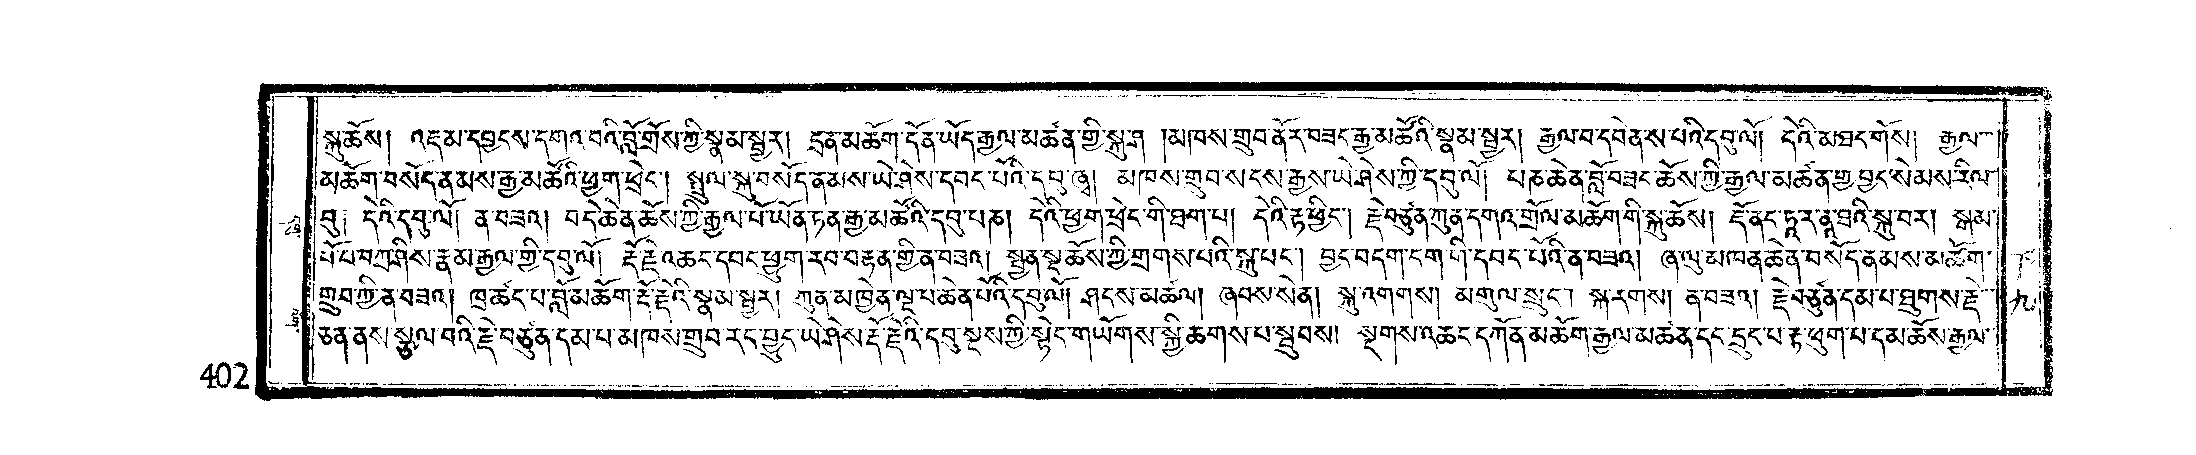སྐུ་ཆོས། འཇམ་དབྱངས་དགའ་བའི་བློ་གྲོས་ཀྱི་སྣམ་སྦྱར། དྲན་མཆོག་དོན་ཡོད་རྒྱལ་མཚན་གྱི་སྐུ་ཤ་།མཁས་གྲུབ་ནོར་བཟང་རྒྱ་མཚོའི་སྣམ་སྦྱར། རྒྱལ་བ་དབེན་ས་པའི་དབུ་ལོ། དེའི་མཐང་གོས། རྒྱལ་
མཆོག་བསོད་ནམས་རྒྱ་མཚོའི་ཕྱག་ཕྲེང་། སྤྲུལ་སྐུ་བསོད་ནམས་ཡེ་ཤེས་དབང་པོའི་དབུ་ཞྭ། མཁས་གྲུབ་སངས་རྒྱས་ཡེ་ཤེས་ཀྱི་དབུ་ལོ། པཎ་ཆེན་བློ་བཟང་ཆོས་ཀྱི་རྒྱལ་མཚན་གྱ་བྱང་སེམས་རིལ་
བུ། དེའི་དབུ་ལོ། ན་བཟའ། བདེ་ཆེན་ཆོས་ཀྱི་རྒྱལ་པོ་ཡོན་ཏན་རྒྱ་མཚོའི་དབུ་པཎ། དེའི་ཕྱག་ཕྲེང་གི་ཐག་པ། དེའི་རྟ་ཕྱིང་། རྗེ་བཙུན་ཀུན་དགའ་གྲོལ་མཆོག་གི་སྐུ་ཆོས། ཇོ་ནང་ཏཱ་ར་ནཱ་ཐའི་སྐུ་བར། སྒམ་
པོ་པ་བཀྲ་ཤིས་རྣམ་རྒྱལ་གྱི་དབུ་ལོ། རྡོ་རྗེ་འཆང་དབང་ཕྱུག་རབ་བརྟན་གྱི་ན་བཟའ། སྤྱན་སྔ་ཆོས་ཀྱི་གྲགས་པའི་སྐུ་པང་། བྱང་བདག་ངག་གི་དབང་པོའི་ན་བཟའ། ཞ་ལུ་མཁན་ཆེན་བསོད་ནམས་མཚོག་
གྲུབ་ཀྱི་ན་བཟའ། ཁྲ་ཚང་པ་བློ་མཆོག་རྡོ་རྗེའི་སྣམ་སྦྱར། ཀུན་མཁྱེན་ལྔ་པ་ཆེན་པོའི་དབུ་ལོ། ཤངས་མཚལ། ཞབས་སེན། སྐུ་འགགས། མགུལ་སྲུང་། སྐ་རགས། ན་བཟའ། རྗེ་བཙུན་དམ་པ་ཐུགས་རྗེ་
ཅན་ནས་སྩལ་བའི་རྗེ་བཙུན་དམ་པ་མཁས་གྲུབ་རང་བྱུང་ཡེ་ཤེས་རྡོ་རྗེའི་དབུ་སྔས་ཀྱི་སྟེང་གཡོགས་སྐྱི་ཆགས་པ་སྦུབས། སྔགས་འཆང་དཀོན་མཆོག་རྒྱལ་མཚན་དང་དྲུང་པ་རྟ་ཕུག་པ་དམ་ཆོས་རྒྱལ་